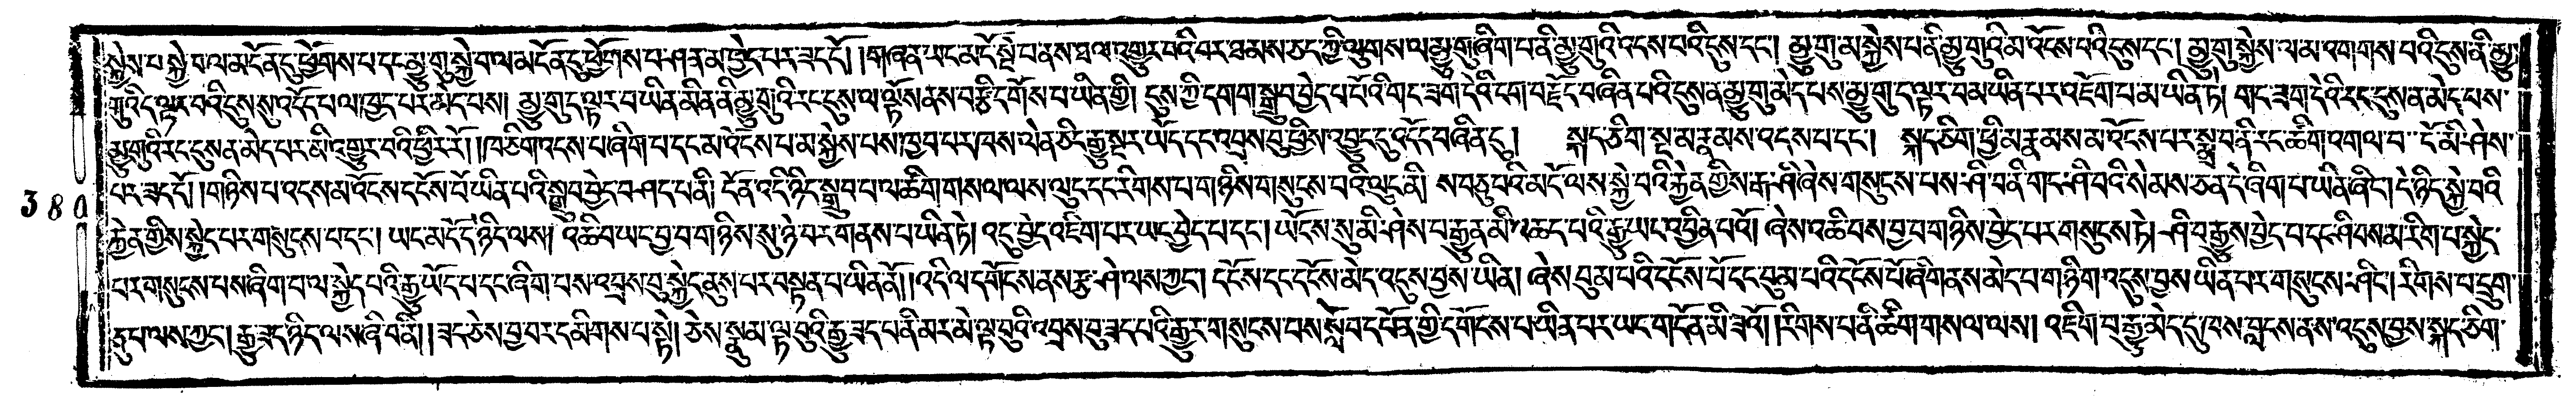སྐྱེས་པ་སྐྱེ་བ་ལ་མངོན་དུ་ཕྱོགས་པ་དང་མྱུ་གུ་སྐྱེ་བ་ལ་མངོན་དུ་ཕྱོགས་པ་ཤན་མ་ཕྱེད་པར་ཟད་དོ། །གཞན་ཡང་མདོ་སྡེ་པ་ནས་ཐལ་འགྱུར་བའི་བར་ཐམས་ཅད་ཀྱི་ལུགས་ལ་མྱུ་གུ་ཞིག་པ་ནི་མྱུ་གུའི་འདས་པའི་དུས་དང་། མྱུ་གུ་མ་སྐྱེས་པ་ནི་མྱུ་གུའི་མ་འོངས་པའི་དུས་དང་། མྱུ་གུ་སྐྱེས་ལ་མ་འགགས་པའི་དུས་ནི་མྱུ་
གུའི་ད་ལྟར་བའི་དུས་སུ་འདོད་པ་ལ་ཁྱད་པར་མེད་པས། མྱུ་གུ་ད་ལྟར་བ་ཡིན་མིན་ནི་མྱུ་གུའི་རང་དུས་ལ་ལྟོས་ནས་བརྩི་དགོས་པ་ཡིན་གྱི། དུས་ཀྱི་དགག་སྒྲུབ་བྱེད་པ་པོའི་གང་ཟག་དེའི་ངག་བརྗོད་བཞིན་པའི་དུས་ན་མྱུ་གུ་མེད་པས་མྱུ་གུ་ད་ལྟར་བ་མ་ཡིན་པར་འཇོག་པ་མ་ཡིན་ཏེ། གང་ཟག་དེའི་རང་དུས་ན་མེད་པས་
མྱུ་གུའི་རང་དུས་ན་མེད་པར་མི་འགྱུར་བའི་ཕྱིར་རོ། །ཁ་ཅིག་འདས་པ་ཞིག་པ་དང་མ་འོངས་པ་མ་སྐྱེས་པས་ཁྱབ་པར་ཁས་ལེན་ཅིང་རྒྱུ་སྔར་ཡོད་དང་འབྲས་བུ་ཕྱིས་འབྱུང་དུ་འདོད་བཞིན་དུ། སྐད་ཅིག་སྔ་མ་རྣམས་འདས་པ་དང་། སྐད་ཅིག་ཕྱི་མ་རྣམས་མ་འོངས་པར་སྨྲ་བ་ནི་རང་ཚིག་འགལ་བ་ངོ་མི་ཤེས་
པར་ཟད་དོ། །གཉིས་པ་འདས་མ་འོངས་དངོས་པོ་ཡིན་པའི་སྒྲུབ་བྱེད་བཤད་པ་ནི། དོན་འདི་ཉིད་སྒྲུབ་པ་ལ་ཚིག་གསལ་ལས་ལུང་དང་རིགས་པ་གཉིས་གསུངས་བའི་ལུང་ནི། ས་བཅུ་བའི་མདོ་ལས་སྐྱེ་བའི་རྐྱེན་གྱིས་རྒ་ཤི་ཞེས་གསུངས་པས་ཤི་བ་ནི་གང་ཤི་བའི་སེམས་ཅན་དེ་ཞིག་པ་ཡིན་ཞིང་། དེ་ཉིད་སྐྱེ་བའི་
རྐྱེན་གྱིས་སྐྱེད་པར་གསུངས་པ་དང་། ཡང་མདོ་དེ་ཉིད་ལས། འཆི་བ་ཡང་བྱ་བ་གཉིས་སུ་ཉེ་བར་གནས་པ་ཡིན་ཏེ། འདུ་བྱེད་འཇིག་པར་ཡང་བྱེད་པ་དང་། ཡོངས་སུ་མི་ཤེས་པ་རྒྱུན་མི་འཆད་པའི་རྒྱུ་ཡང་འབྱིན་པའོ། ཞེས་འཆི་བས་བྱ་བ་གཉིས་བྱེད་པར་གསུངས་ཏེ། ཤི་བརྒྱུས་བྱེད་བ་དང་ཤི་བས་མ་རིག་པ་སྐྱེད་
པར་གསུངས་པས་ཞིག་བ་ལ་སྐྱེད་པའི་རྒྱུ་ཡོད་པ་དང་ཞིག་པས་འབྲས་བུ་སྐྱེད་ནུས་པར་བསྟན་པ་ཡིན་ནོ། །འདི་ལ་དགོངས་ནས་རྩ་ཤེ་ལས་ཀྱང་། དངོས་དང་དངོས་མེད་འདུས་བྱས་ཡིན། ཞེས་བུམ་པའི་དངོས་པོ་དང་བུམ་པའི་དངོས་པོ་ཞིག་ནས་མེད་པ་གཉི་ག་འདུས་བྱས་ཡིན་པར་གསུངས་ཤིང་། རིགས་པ་དྲུག་
ཅུ་པ་ལས་ཀྱང་། རྒྱུ་ཟད་ཉིད་ལས་ཞི་བ་ནི། །ཟད་ཅེས་བྱ་བར་དམིགས་པ་སྟེ། ཅེས་སྣུམ་ལྟ་བུའི་རྒྱུ་ཟད་པ་ནི་མར་མེ་ལྟ་བུའི་འབྲས་བུ་ཟད་པའི་རྒྱུར་གསུངས་པས་སློབ་དཔོན་གྱི་དགོངས་པ་ཡིན་པར་ཡང་གདོན་མི་ཟའོ། །རིགས་པ་ནི་ཚིག་གསལ་ལས། འཇིག་བ་རྒྱུ་མེད་དུ་ཁས་བླངས་ནས་འདུས་བྱས་སྐད་ཅིག་